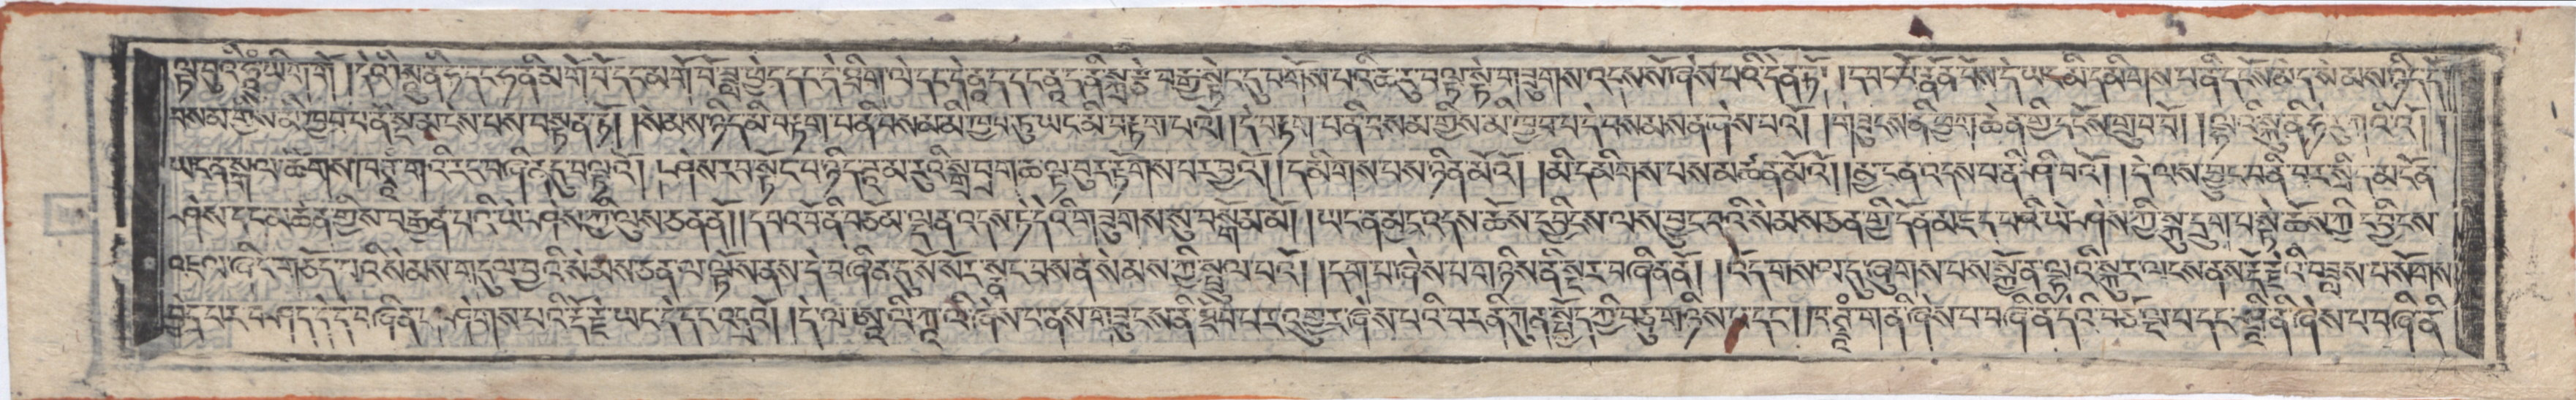ལྟ་བུའི་ཧཱུཾ་ཡིག་གོ །དེའི་ཨཱུ་ནི་ཧ་དང་ཧ་ནི་མགོ་བོ་དང་མགོ་བོ་ཟླ་ཕྱེད་དང་དེ་ཐིག་ལེ་དང་དེ་ནཱ་ད་དང་ནཱ་ད་ནི་སྐྲ་རྩེ་བརྒྱ་སྟོང་དུ་བགོས་པའི་ཆ་རུ་བལྟ་སྟེ་གཟུགས་འདས་སོ་ཞེས་པའི་དོན་ཏོ། །དབང་པོ་རྣོན་པོས་དེ་ཡང་མི་དམིགས་པ་ནི་དངོས་མེད་སེམས་ཉིད་དོ།
བསམ་གྱིས་མི་ཁྱབ་པ་ནི་སྔ་མ་ངེས་པས་བསྟན་ཏོ། །སེམས་ཉིད་མི་བརྟག་པ་ནི་བསམ་མི་ཁྱབ་ཏུ་ཡང་མི་བརྟག་པའོ། །དེ་བརྟག་པ་ནི་བསམ་གྱིས་མི་ཁྱབ་པ་དེ་བསམས་ན་ཞེས་པའོ། །གཟུངས་ནི་ཕྱག་ཆེན་གྱི་དངོས་གྲུབ་བོ། །ལྷའི་སྐུ་ནི་ཧེ་རུ་ཀའི་འོ། །
ཡང་ན་སྒལ་ཚིགས་ཁ་ཊཱཾ་གའི་རང་བཞིན་དུ་བལྟའོ། །ཤེས་རབ་སྟོང་པ་ཉིད་ཌཱ་མ་རུའི་སྒྲ་བྲག་ཆ་ལྟ་བུར་རྟོགས་པར་བྱའོ། །དམིགས་པས་ཉིན་མོའོ། །མི་དམིགས་པས་མཚན་མོའོ། །མྱ་ངན་འདས་པ་ནི་ཤི་བའོ། །དེ་ལས་བྱུང་བ་ནི་བར་སྲིད་མངོན་
ཤེས་དང་མཚན་གྱིས་བརྒྱན་པའི་ཡེ་ཤེས་ཀྱི་ལུས་ཅན་ནོ། །དཔའ་བོ་ནི་བཅོམ་ལྡན་འདས་ཏེ་དེའི་གཟུགས་སུ་བསྒོམ་མོ། །ཡང་ན་མྱང་འདས་ཆོས་དབྱིངས་ལས་བྱུང་བའི་སེམས་ཅན་གྱི་དོན་མཛད་པའི་ཡེ་ཤེས་ཀྱི་སྐུ་དྲུག་པ་སྟེ་ཆོས་ཀྱི་དབྱིངས་
འཇལ་ཞིང་གཅོད་པའི་སེམས་གདུལ་བྱའི་སེམས་ཅན་ལ་ལྟོས་ནས་དེ་བཞིན་དུ་སོ་སོར་སྣང་བས་ན་སེམས་ཀྱི་སྤྲུལ་པའོ། །དག་པ་ཞེས་པ་གཉིས་ནི་སྔར་བཞིན་ནོ། །འོད་གསལ་དུ་ཞུགས་པས་སྐྱོན་ལྷའི་སྐུར་ལངས་ནས་རྡོ་རྗེའི་བཟླས་པ་སོགས་
བྱེད་པར་བཤད་དེ་དེ་བཞིན་གཤེགས་པའི་རྡོ་རྗེ་ཡང་དེ་དང་འདྲའོ། །དེ་ལ་ཨཱ་ལི་ཀཱ་ལི་ཞེས་པ་ནས་གཟུངས་ནི་ཐོབ་པར་འགྱུར་ཞེས་པའི་བར་ནི་ཀུན་སྤྱོད་ཀྱི་བཅུ་གཉིས་པ་དང་། ཁ་ཊཝའཾ་ག་ནི་ཞེས་པ་བཞི་ནི་དེའི་བཅོ་ལྔ་པ་དང་ཤྲཱི་ནི་ཞེས་པ་བཞི་ནི་